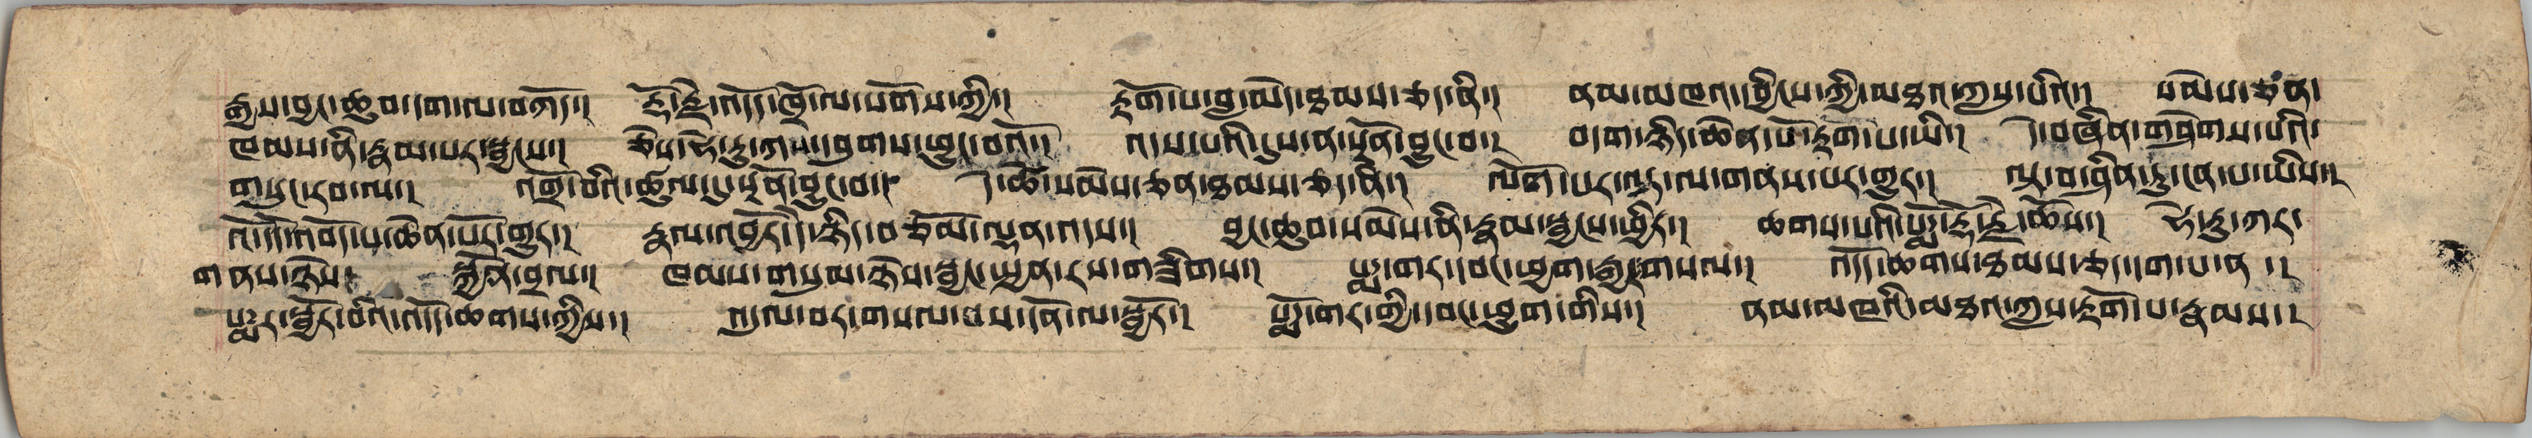རྒྱས་བྱང་ཆུབ་དག་ལ་བཀོད་། རྡོ་རྗེ་འདོད་ཁྲོ་ལ་སོགས་ཀྱི་། རྟོག་པ་བླ་མེད་ཐམས་ཅད་ནི་། ནམ་མཁའ་དབྱིངས་ཀྱི་མཐའ་ཀླས་པའི་། སེམས་ཅན་
ཁམས་ནི་རྣམ་པར་སྦྱངས་། ཅེས་ཧེ་རུ་ཀས་དབུགས་ཕྱུང་བའོ་། འདས་པའི་དུས་ན་སྔོན་བྱུང་བ་། བདག་ཉིད་ཆེན་པོ་རྟག་པ་ཡི་། དེ་བཞིན་གཤེགས་པའི་
གསུང་རབ་ལ་། འགྲོ་བའི་ཚུལ་དུ་སྔོན་བྱུང་བ་། དེ་ཚེ་སེམས་ཅན་ཐམས་ཅད་ནི་། ལོག་པར་ལྟ་ལ་གནས་པར་གྱུར་། ལྟ་བ་ཤིན་ཏུ་ངན་པ་ཡིས་།
འོ་དདོ་འབོད་པ་ཆེན་པོར་གྱུར་། རྣལ་འབྱོར་དེ་ཉིད་བཅོམ་ལྡན་འདས་། བྱང་ཆུབ་སེམས་ནི་རྣམ་སྦྱངས་ཕྱིར་། ཆགས་པའི་པདྨོ་རྡོ་རྗེ་ཆོས་། ཧེ་རུ་ཀར་
གནས་ཉེས་ སྐྱོན་བྲལ་། ཁམས་གསུམ་ཉེས་སྦྱང་་སྤྱན་རས་གཟིགས་། པདྨ་གར་དབང་ཕྱག་རྒྱར་གསལ་། འདོད་ཆགས་ཐམས་ཅད་དག་པ་ན ་།
པདྨར་སྦྱོར་བའི་འདོད་ཆགས་ཀྱིས་། འདུལ་བར་གསལ་བས་དོན་ལ་སྦྱོར་། པདྨོ་གར་གྱི་དབང་ཕྱུག་གིས་། ནམ་མཁའི་མཐའ་ཀླས་རྟོག་པ་རྣམས་།